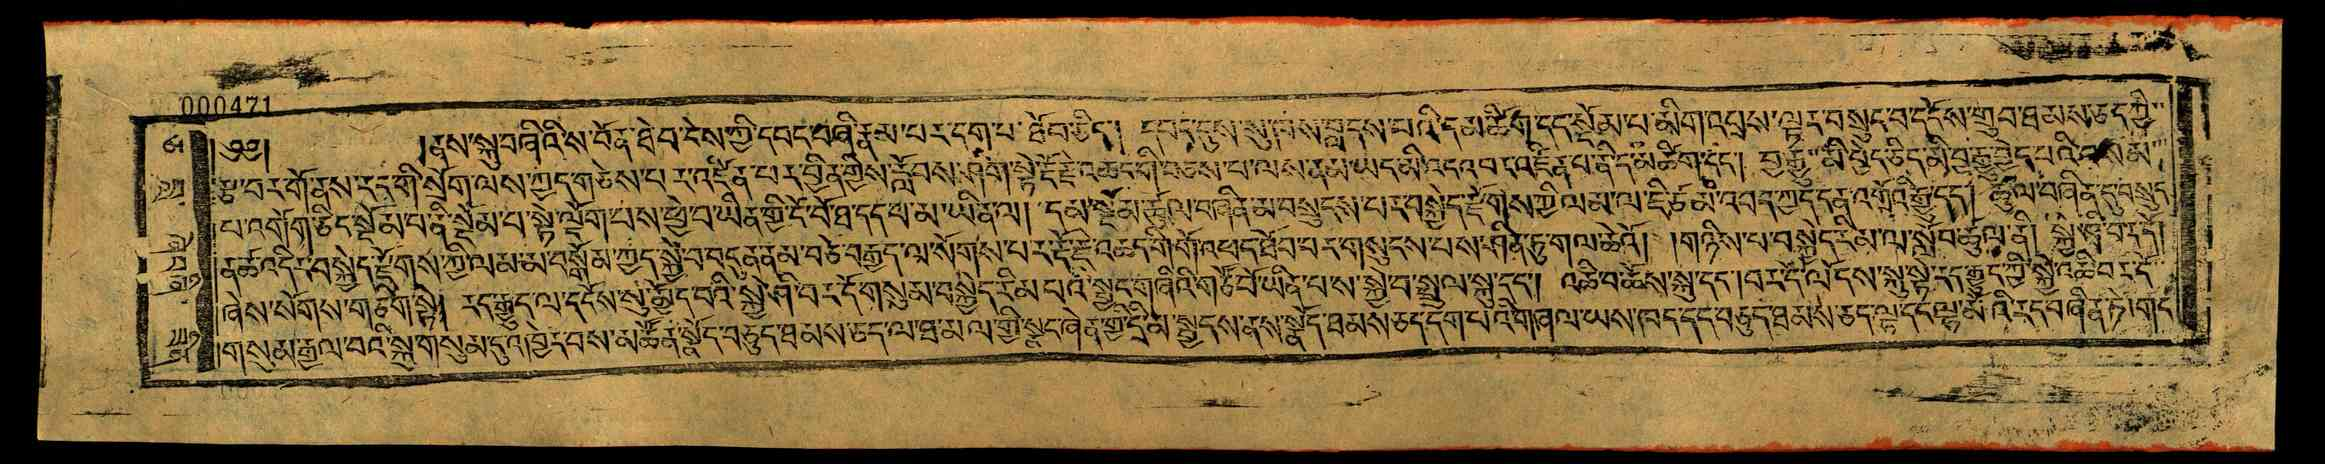༄༅། །ནས་སྐུ་བཞིའི་ས་བོན་ཐེབ་ངེས་ཀྱི་དབང་བཞི་རྣམ་པར་དག་པ་ཐོབ་ཅིང་། དབང་དུས་སུ་ཁས་བླངས་པའི་དམ་ཚིག་དང་སྡོམ་པ་མིག་འབྲས་ལྟར་བསྲུང་བ་དངོས་གྲུབ་ཐམས་ཅད་ཀྱི་
རྩ་བར་གོ་ནས་རང་གི་སྲོག་ལས་ཀྱང་གཅེས་པར་འཛིན་པར་བྱིན་གྱིས་རློབས་ཤིག་སྟེ་རྡོ་རྗེ་འཆང་གི་བཅས་པ་ལས་ནམ་ཡང་མི་འདའ་བར་འཛིན་པ་ནི་དམ་ཚིག་དང་། བྱ་རྒྱུ་མི་བྱེད་ཅིང་མི་བྱ་རྒྱུ་བྱེད་པའི་བསམ་
པ་འགོག་ཅིང་སྡོམ་པ་ནི་སྡོམ་པ་སྟེ་ལྡོག་པས་ཕྱེ་བ་ཡིན་གྱི་ངོ་བོ་ཐ་དད་པ་མ་ཡིན་ལ། དམ་སྡོམ་ཚུལ་བཞིན་མ་བསྲུངས་པར་བསྐྱེད་རྫོགས་ཀྱི་ལམ་ལ་ཇི་ཙམ་འབད་ཀྱང་ངན་འགྲོའི་རྒྱུ་དང་། ཚུལ་བཞིན་དུ་བསྲུང་
ན་ཚེ་འདིར་བསྐྱེད་རྫོགས་ཀྱི་ལམ་མ་བསྒོམ་ཀྱང་སྐྱེ་བ་བདུན་ནམ་བཅོ་བརྒྱད་ལ་སོགས་པར་རྡོ་རྗེ་འཆང་གི་གོ་འཕང་ཐོབ་པར་གསུངས་པས་ཤིན་ཏུ་གལ་ཆེའོ། །གཉིས་པ་བསྐྱེད་རིམ་ལ་སློབ་ཚུལ་ནི། སྐྱེ་ཤི་བར་དོ།
ཞེས་སོགས་གཅིག་སྟེ། རང་རྒྱུད་ལ་དངོས་སུ་མྱོང་བའི་སྐྱེ་ཤི་བར་དོ་གསུམ་བསྐྱེད་རིམ་པའི་སྦྱང་གཞིའི་གཙོ་བོ་ཡིན་པས་སྐྱེ་བ་སྤྲུལ་སྐུ་དང་། འཆི་བ་ཆོས་སྐུ་དང་། བར་དོ་ལོངས་སྐུ་སྟེ་རང་རྒྱུད་ཀྱི་སྐྱེ་འཆི་བར་དོ་
གསུམ་རྒྱལ་བའི་སྐུ་གསུམ་དུ་འཁྱེར་བས་མཚོན་སྣོད་བཅུད་ཐམས་ཅད་ལ་ཐ་མལ་གྱི་སྣང་ཞེན་གྱི་དྲི་མ་སྦྱངས་ནས་སྣོད་ཐམས་ཅད་དག་པའི་གཞལ་ཡས་ཁང་དང་བཅུད་ཐམས་ཅད་ལྷ་དང་ལྷ་མོའི་རང་བཞིན་ཏེ། གང་